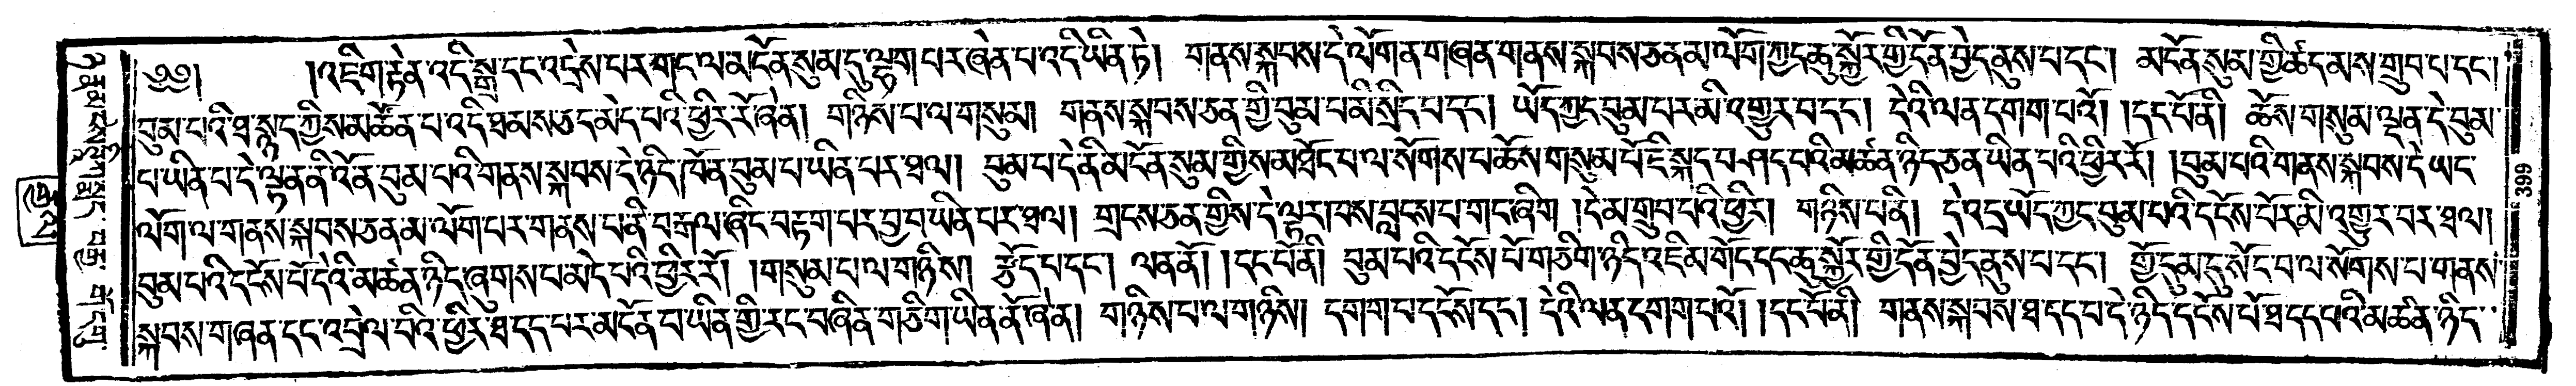༄༅། །འཇིག་རྟེན་འདི་སྒྲ་དང་འདྲེས་པར་གང་ལ་མངོན་སུམ་དུ་ལྷག་པར་ཞེན་པ་འདི་ཡིན་ཏེ། གནས་སྐབས་དེ་ལོག་ན་གཞན་གནས་སྐབས་ཅན་མ་ལོག་ཀྱང་ཆུ་སྐྱོར་གྱི་དོན་བྱེད་ནུས་པ་དང་། མངོན་སུམ་གྱི་ཚད་མས་གྲུབ་པ་དང་།
བུམ་པའི་ཐ་སྙད་ཀྱིས་མཚོན་པ་འདི་ཐམས་ཅད་མེད་པའི་ཕྱིར་རོ་ཞེ་ན། གཉིས་པ་ལ་གསུམ། གནས་སྐབས་ཅན་གྱི་བུམ་པ་མི་སྲིད་པ་དང་། ཡོད་ཀྱང་བུམ་པར་མི་འགྱུར་བ་དང་། དེའི་ལན་དགག་པའོ། །དང་པོ་ནི། ཆོས་གསུམ་ལྡན་དེ་བུམ་
པ་ཡིན་པ་དེ་ལྟ་ན་ནི་འོ་ན་བུམ་པའི་གནས་སྐབས་དེ་ཉིད་ཁོ་ན་བུམ་པ་ཡིན་པར་ཐལ། བུམ་པ་དེ་ནི་མངོན་སུམ་གྱིས་མཐོང་བ་ལ་སོགས་པ་ཆོས་གསུམ་པོ་ཇི་སྐད་བཤད་པའི་མཚན་ཉིད་ཅན་ཡིན་པའི་ཕྱིར་རོ། །བུམ་པའི་གནས་སྐབས་དེ་ཡང་
ལོག་ལ་གནས་སྐབས་ཅན་མ་ལོག་པར་གནས་པ་ནི་བརྒལ་ཞིང་བརྟག་པར་བྱ་བ་ཡིན་པར་ཐལ། གྲངས་ཅན་གྱིས་དེ་ལྟར་ཁས་བླངས་པ་གང་ཞིག །དེ་མ་གྲུབ་པའི་ཕྱིར། གཉིས་པ་ནི། དེ་འདྲ་ཡོད་ཀྱང་བུམ་པའ་དངོས་པོར་མི་འགྱུར་བར་ཐལ།
བུམ་པའི་དངོས་པོ་དེའི་མཚན་ཉིད་ཞུགས་པ་མེད་པའི་ཕྱིར་རོ། །གསུམ་པ་ལ་གཉིས། རྩོད་པ་དང་། ལན་ནོ། །དང་པོ་ནི། བུམ་པའི་དངོས་པོ་གཅིག་ཉིད་འཇིམ་གོང་དང་ཆུ་སྐྱོར་གྱི་དོན་བྱེད་ནུས་པ་དང་། གྱོ་དུམ་དུ་སོང་བ་ལ་སོགས་པ་གནས་
སྐབས་གཞན་དང་འབྲེལ་བའི་ཕྱིར་ཐ་དད་པར་མངོན་པ་ཡིན་གྱི་རང་བཞིན་གཅིག་ཡིན་ནོ་ཞེ་ན། གཉིས་པ་ལ་གཉིས། དགག་པ་དངོས་དང་། དེའི་ལན་དགག་པའོ། །དང་པོ་ནི། གནས་སྐབས་ཐ་དད་པ་དེ་ཉིད་དངོས་པོ་ཐ་དད་པའི་མཚན་ཉིད་